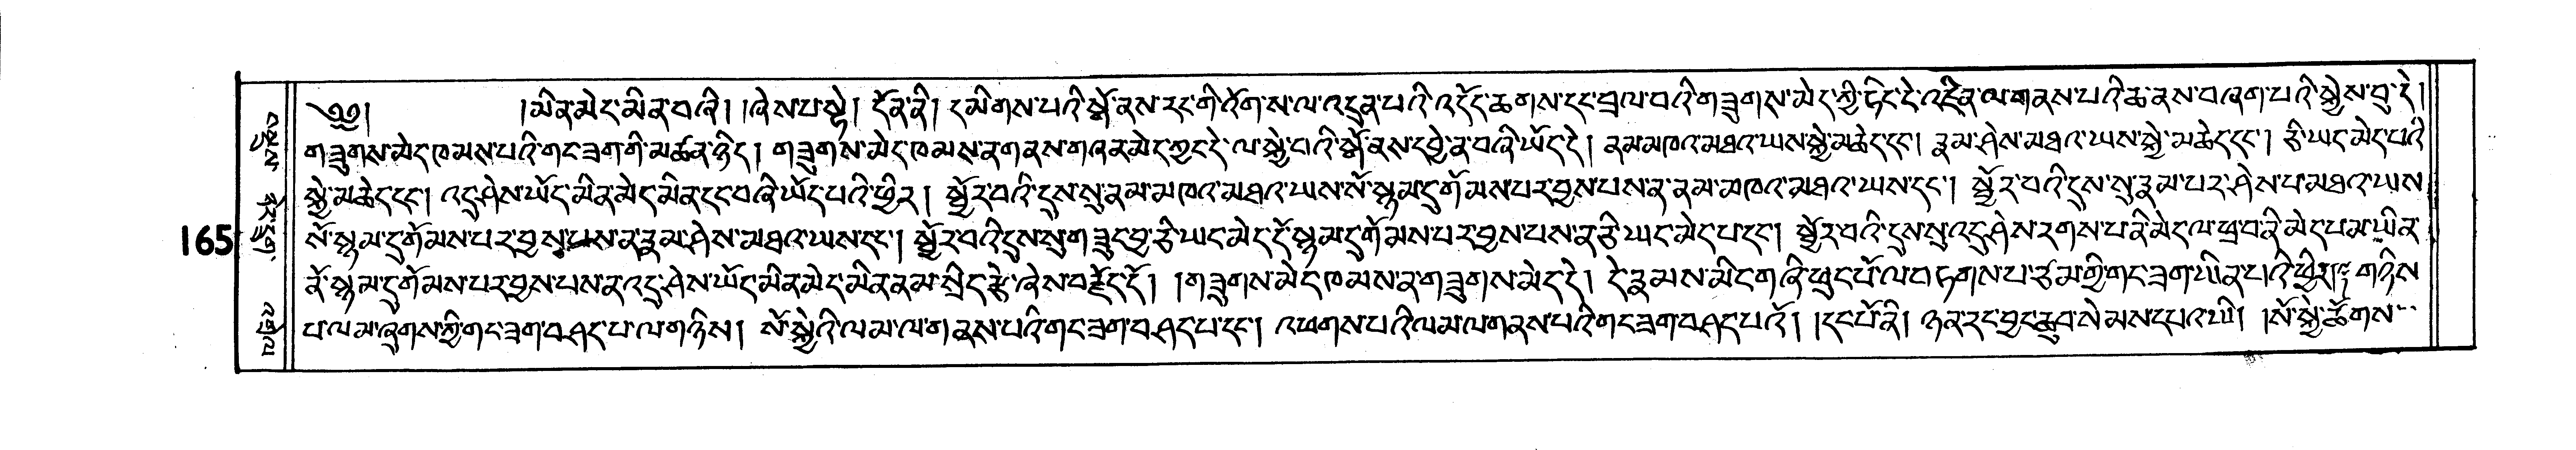༄༅། །མིན་མེད་མིན་བཞི། །ཞེས་པ་སྟེ། དོན་ནི། དམིགས་པའི་སྒོ་ནས་རང་གི་འོག་ས་ལ་འདྲན་པའི་འདོད་ཆགས་དང་བྲལ་བའི་གཟུགས་མེད་ཀྱི་ཏིང་ངེ་འཛིན་ལ་གནས་པའི་ཆ་ནས་བཞག་པའི་སྐྱེས་བུ་དེ།
གཟུགས་མེད་ཁམས་པའི་གང་ཟག་གི་མཚན་ཉིད། གཟུགས་མེད་ཁམས་ན་གནས་གཞན་མེད་ཀྱང་དེ་ལ་སྐྱེ་བའི་སྒོ་ནས་དབྱེ་ན་བཞི་ཡོད་དེ། ནམ་མཁའ་མཐའ་ཡས་སྐྱེ་མཆེད་དང་། རྣམ་ཤེས་མཐའ་ཡས་སྐྱེ་མཆེད་དང་། ཅི་ཡང་མེད་པའི་
སྐྱེ་མཆེད་དང་། འདུ་ཤེས་ཡོད་མིན་མེད་མིན་དང་བཞི་ཡོད་པའི་ཕྱིར། སྦྱོར་བའི་དུས་སུ་ནམ་མཁའ་མཐའ་ཡས་སོ་སྙམ་དུ་གོམས་པར་བྱས་པས་ན་ནམ་མཁའ་མཐའ་ཡས་དང་། སྦྱོར་བའི་དུས་སུ་རྣམ་པར་ཤེས་པ་མཐའ་ཡས་
སོ་སྙམ་དུ་གོམས་པར་བྱས་པས་ན་རྣམ་ཤེས་མཐའ་ཡས་དང་། སྦྱོར་བའི་དུས་སུ་གཟུང་བྱ་ཅི་ཡང་མེད་དོ་སྙམ་དུ་གོམས་པར་བྱས་པས་ན་ཅི་ཡང་མེད་པ་དང་། སྦྱོར་བའི་དུས་སུ་འདུ་ཤེས་རགས་པ་ནི་མེད་ལ་ཕྲ་བ་ནི་མེད་པ་མ་ཡིན་
ནོ་སྙམ་དུ་གོམས་པར་བྱས་པས་ན་འདུ་ཤེས་ཡོད་མིན་མེད་མིན་ནམ་སྲིད་རྩེ་ཞེས་བརྗོད་དོ། །གཟུགས་མེད་ཁམས་ན་གཟུགས་མེད་དེ། དེ་རྣམས་མིང་གཞི་ཕུང་པོ་ལ་བཏགས་པ་ཙམ་གྱི་གང་ཟག་ཡིན་པའི་ཕྱིར། ༈ གཉིས་
པ་ལམ་ཞུགས་ཀྱི་གང་ཟག་བཤད་པ་ལ་གཉིས། སོ་སྐྱེའི་ལམ་ལ་གནས་པའི་གང་ཟག་བཤད་པ་དང་། འཕགས་པའི་ལམ་ལ་གནས་པའི་གང་ཟག་བཤད་པའོ། །དང་པོ་ནི། ཉན་རང་བྱང་ཆུབ་སེམས་དཔའ་ཡི། །སོ་སྐྱེ་ཚོགས་